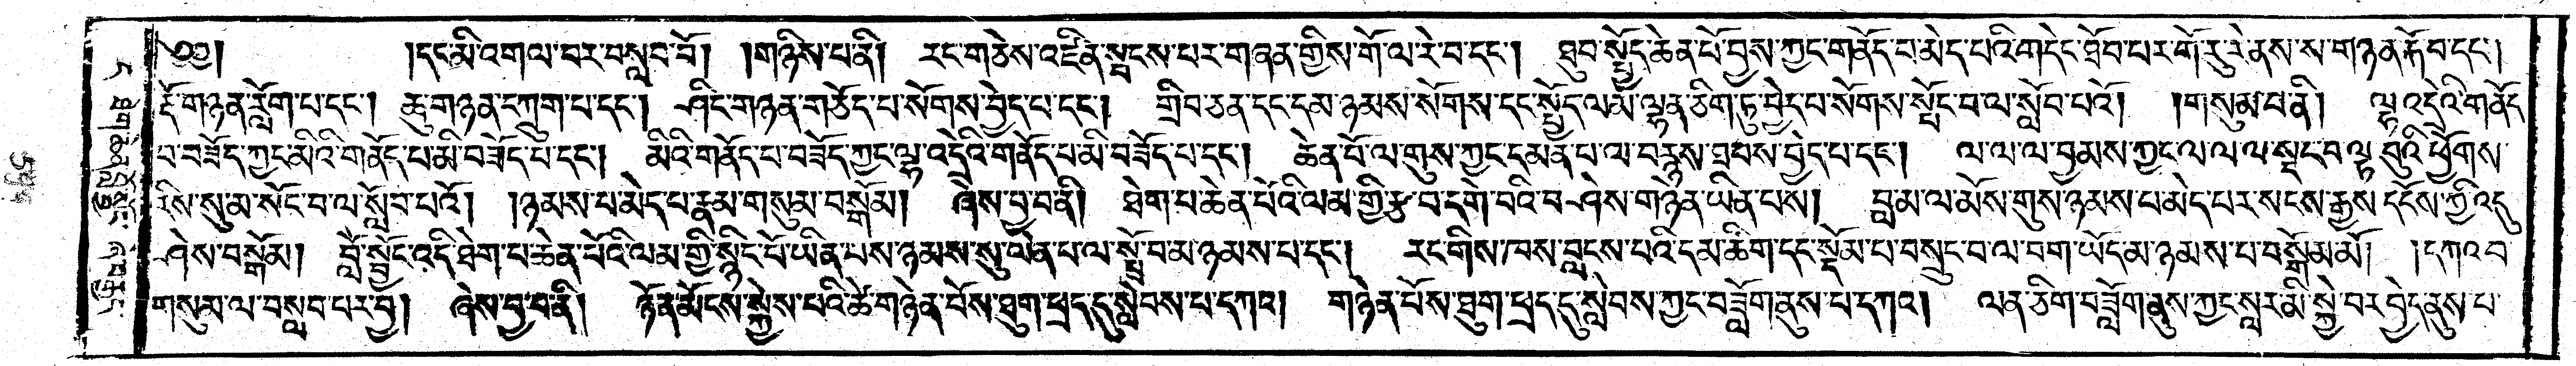༄༅། །དང་མི་འགལ་བར་བསླབ་བོ། །གཉིས་པ་ནི། རང་གཅེས་འཛིན་སྦངས་པར་གཞན་གྱིས་གོ་ལ་རེ་བ་དང་། ཐུབ་སྤྱོད་ཆེན་པོ་བྱས་ཀྱང་གནོད་པ་མེད་པའི་གདེང་ཐོབ་པར་གོ་རུ་རེ་ནས་ས་གཉན་རྐོ་བ་དང་།
རྡོ་གཉན་རློབ་པ་དང་། ཆུ་གཉན་དཀྲུག་པ་དང་། ཤིང་གཉན་གཅོད་པ་སོགས་བྱེད་པ་དང་། གྲིབ་ཅན་དང་དམ་ཉམས་སོགས་དང་སྤྱོད་ལམ་ལྷན་ཅིག་ཏུ་བྱེད་པ་སོགས་སྤོང་བ་ལ་སློབ་པའོ། །གསུམ་པ་ནི། ལྷ་འདྲེའི་གནོད་
བ་བཟོད་ཀྱང་མིའི་གནོད་པ་མི་བཟོད་པ་དང་། མིའི་གནོད་པ་བཟོད་ཀྱང་ལྷ་འདྲེའི་གནོད་པ་མི་བཟོད་པ་དང་། ཆེན་པོ་ལ་གུས་ཀྱང་དམན་པ་ལ་བརྙས་ཐབས་བྱེད་པ་དང་། ལ་ལ་ལ་བྱམས་ཀྱང་ལ་ལ་ལ་སྡང་བ་ལྟ་བུའི་ཕྱོགས་
རིས་སུ་མ་སོང་བ་ལ་སློབ་པའོ། །ཉམས་པ་མེད་པ་རྣམ་གསུམ་བསྒོམ། ཞེས་བྱ་བ་ནི། ཐེག་པ་ཆེན་པོའི་ལམ་གྱི་རྩ་བ་དགེ་བའི་བཤེས་གཉེན་ཡིན་པས། བླ་མ་ལ་མོས་གུས་ཉམས་པ་མེད་པར་སངས་རྒྱས་དངོས་ཀྱི་འདུ་
ཤེས་བསྒོམ། བློ་སྦྱོང་འདི་ཐེག་པ་ཆེན་པོའི་ལམ་གྱི་སྙིང་པོ་ཡིན་པས་ཉམས་སུ་ལེན་པ་ལ་སྤྲོ་བ་མ་ཉམས་པ་དང་། རང་གིས་ཁས་བླངས་པའི་དམ་ཚིག་དང་སྡོམ་པ་བསྲུང་བ་ལ་བག་ཡོད་མ་ཉམས་པ་བསྒོམ་མོ། །དཀའ་བ་
གསུམ་ལ་བསླབ་པར་བྱ། ཞེས་བྱ་བ་ནི། ཉོན་མོངས་སྐྱེས་པའི་ཚེ་གཉེན་པོས་ཐུག་ཕྲད་དུ་སླེབས་པ་དཀའ། གཉེན་པོས་ཐུག་ཕྲད་དུ་སླེབས་ཀྱང་བཟློག་ནུས་པ་དཀའ། ལན་ཅིག་བཟློག་ནུས་ཀྱང་སླར་མི་སྐྱེ་བར་བྱེད་ནུས་པ་